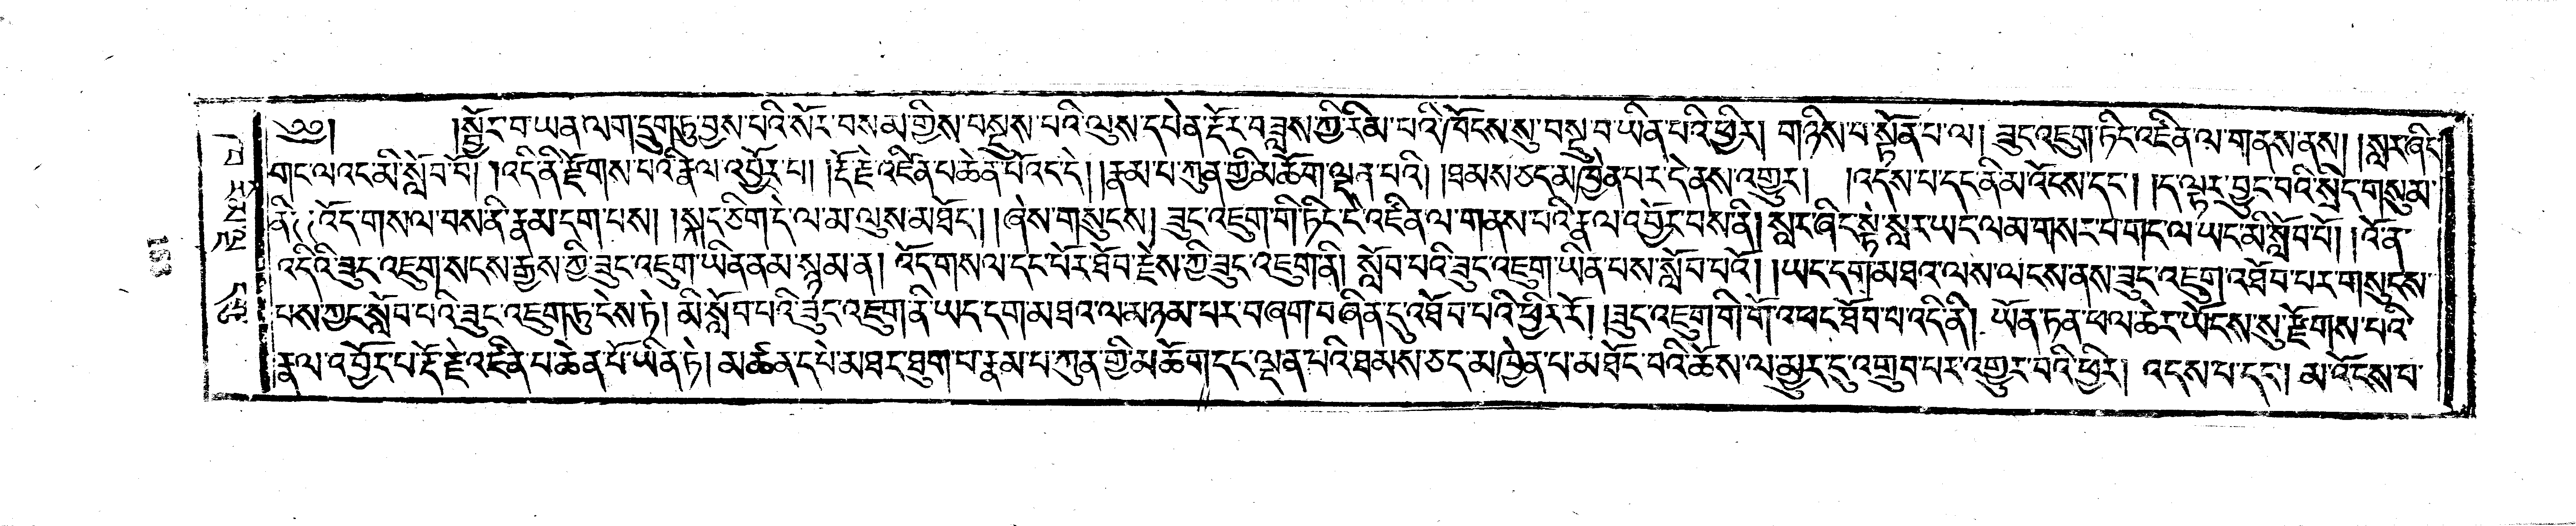༄༅། །སྦྱོར་བ་ཡན་ལག་དྲུག་ཏུ་བྱས་པའི་སོར་བསམ་གྱིས་བསྡུས་པའི་ལུས་དབེན་རྡོར་བཟླས་ཀྱི་རིམ་པའི་ཁོངས་སུ་བསྡུ་བ་ཡིན་པའི་ཕྱིར། གཉིས་པ་སྟོན་པ་ལ། ཟུང་འཇུག་ཏིང་འཛིན་ལ་གནས་ནས། །སླར་ཞིང་
གང་ལའང་མི་སློབ་བོ། །འདི་ནི་རྫོགས་པའི་རྣལ་འབྱོར་པ། །རྡོ་རྗེ་འཛིན་པ་ཆེན་པོའང་དེ། །རྣམ་པ་ཀུན་གྱི་མཆོག་ལྡན་པའི། །ཐམས་ཅད་མཁྱེན་པར་དེ་ནས་འགྱུར། །འདས་པ་དང་ནི་མ་འོངས་དང་། །ད་ལྟར་བྱུང་བའི་སྲིད་གསུམ་
ནི༑ ༑འོད་གསལ་བས་ནི་རྣམ་དག་པས། །སྐད་ཅིག་དེ་ལ་མ་ལུས་མཐོང་། །ཞེས་གསུངས། ཟུང་འཇུག་གི་ཏིང་ངེ་འཛིན་ལ་གནས་པའི་རྣལ་འབྱོར་པས་ནི། སླར་ཞིང་སྟེ་སླར་ཡང་ལམ་གསར་པ་གང་ལ་ཡང་མི་སློབ་བོ། །འོ་ན་
འདིའི་ཟུང་འཇུག་སངས་རྒྱས་ཀྱི་ཟུང་འཇུག་ཡིན་ནམ་སྙམ་ན། འོད་གསལ་དང་པོར་ཐོབ་རྗེས་ཀྱི་ཟུང་འཇུག་ནི། སློབ་པའི་ཟུང་འཇུག་ཡིན་པས་སློབ་པའོ། །ཡང་དག་མཐའ་ལས་ལངས་ནས་ཟུང་འཇུག་འཐོབ་པར་གསུངས་
པས་ཀྱང་སློབ་པའི་ཟུང་འཇུག་ཏུ་ངེས་ཏེ། མི་སློབ་པའི་ཟུང་འཇུག་ནི་ཡང་དག་མཐའ་ལ་མཉམ་པར་བཞག་བཞིན་དུ་འཐོབ་པའི་ཕྱིར་རོ། །ཟུང་འཇུག་གི་གོ་འཕང་ཐོབ་པ་འདི་ནི། ཡོན་ཏན་ཕལ་ཆེར་ཡོངས་སུ་རྫོགས་པའི་
རྣལ་འབྱོར་པ་རྡོ་རྗེ་འཛིན་པ་ཆེན་པོ་ཡིན་ཏེ། མཚན་དཔེ་མཐར་ཐུག་པ་རྣམ་པ་ཀུན་གྱི་མཆོག་དང་ལྡན་པའི་ཐམས་ཅད་མཁྱེན་པ་མཐོང་བའི་ཆོས་ལ་མྱུར་དུ་འགྲུབ་པར་འགྱུར་བའི་ཕྱིར། འདས་པ་དང་། མ་འོངས་པ་